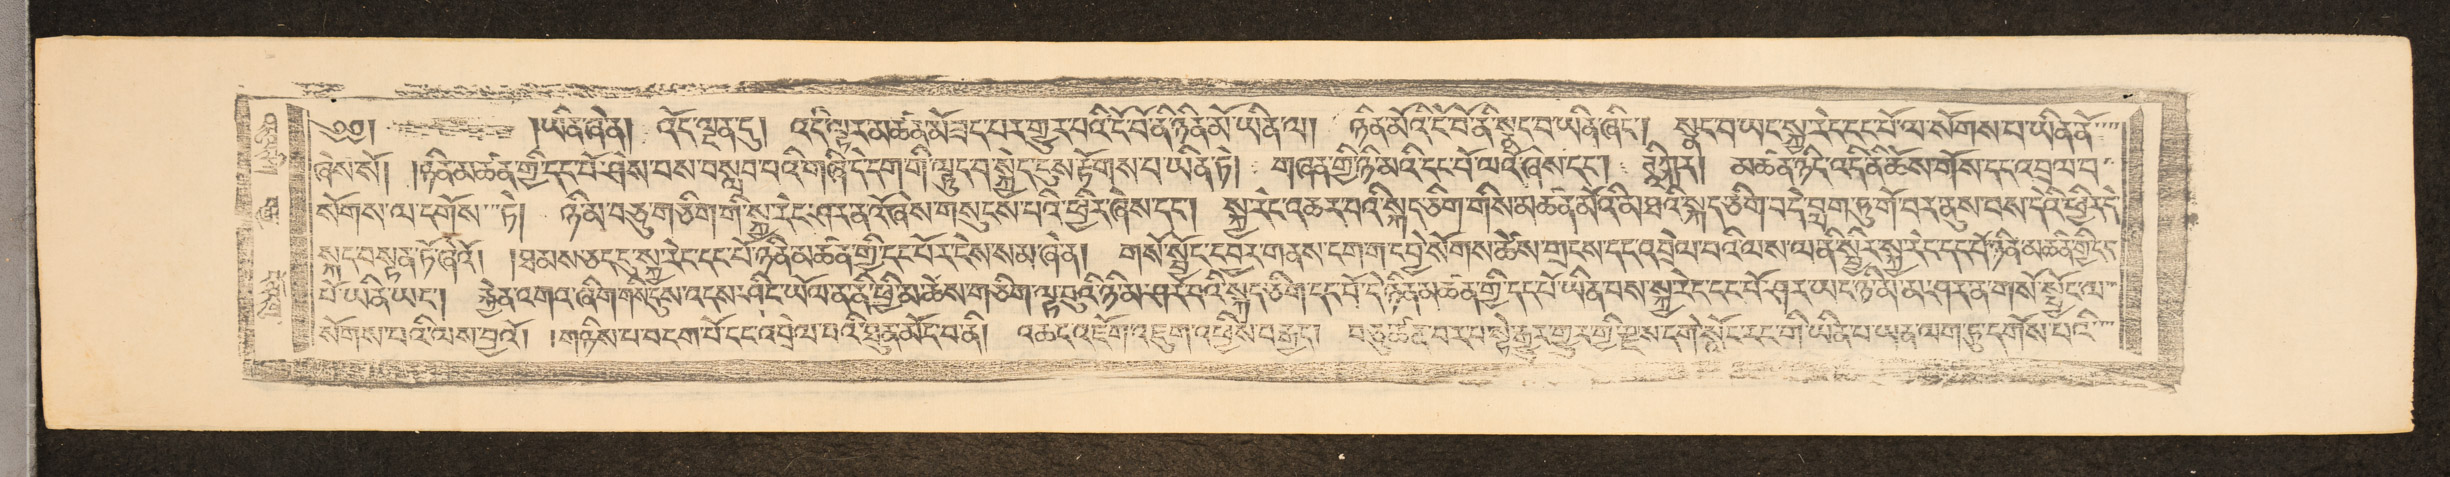༄༅། །ཡིན་ཞེ་ན། འོད་ལྡན་དུ། འདི་ལྟར་མཚན་མོ་ཟད་པར་གྱུར་པའི་ངོ་བོ་ནི་ཉིན་མོ་ཡིན་ལ། ཉིན་མོའི་ངོ་བོ་ནི་སྣང་བ་ཡིན་ཞིང་། སྣང་བ་ཡང་སྐྱ་རེང་དང་པོ་ལ་སོགས་པ་ཡིན་ནོ་
ཞེས་སོ། །ཉིན་མཚན་གྱི་དང་པོ་ཤེས་པས་བསླབ་པའི་གཞི་དེ་དག་གི་ལྟུང་བ་སྐྱེད་དུས་རྟོགས་པ་ཡིན་ཏེ། གཞན་གྱི་ཉི་མའི་དང་པོ་ལའོ་ཞེས་དང་། ཊཱིཀྐ་ར། མཚན་ཉིད་འདི་ནི་ཆོས་གོས་དང་འབྲལ་བ་
སོགས་ལ་དགོས་ཏེ། ཉི་མ་བཅུ་གཅིག་གི་སྐྱ་རེང་ཤར་ནའོ་ཞེས་གསུངས་པའི་ཕྱིར་ཞེས་དང་། སྐྱ་རེང་འཆར་བའི་སྐད་ཅིག་གིས་མཚན་མོའི་མཐའི་སྐད་ཅིག་བདེ་བླག་ཏུ་གོ་བར་ནུས་པས་དེའི་ཕྱིར་དེ་
སྐད་བསྟན་ཏོ་ཞེའོ། །ཐམས་ཅད་དུ་སྐྱ་རེང་དང་པོ་ཉིན་མཚན་གྱི་དང་པོར་ངེས་སམ་ཞེ་ན། གསོ་སྦྱོང་དབྱར་གནས་དགག་དབྱེ་སོགས་ཚེས་གྲངས་དང་འབྲེལ་བའི་ལས་ལ་ནི་སྤྱིར་སྐྱ་རེང་དང་པོ་ཉིན་མཚན་གྱི་དང་
པོ་ཡིན་ཡང་། རྐྱེན་འགའ་ཞིག་གིས་དུས་འདས་ཤིང་ཡོལ་ན་ནི་ཕྱི་མ་ཚེས་གཅིག་ལྟ་བུའི་ཉི་མ་ཤར་བའི་སྐད་ཅིག་དང་པོ་དེ་ཉིན་མཚན་གྱི་དང་པོ་ཡིན་པས་སྐྱ་རེང་དང་པོ་ཤར་ཡང་ཉི་མ་མ་ཤར་ན་གསོ་སྦྱོང་ལ་
སོགས་པའི་ལས་བྱའོ། །གཉིས་པ་བདག་པོ་དང་འབྲེལ་པའི་ཐུན་མོང་བ་ནི། འཆང་འཇོག་འཇུག་འཕྱིས་བརྒྱད། བཅུ་ཚན་པར་པ་སྟེ་རྒྱུར་གྱུར་གྱི་རྫས་དགེ་སློང་རང་གི་ཡིན་པ་ཡན་ལག་ཏུ་དགོས་པའི་